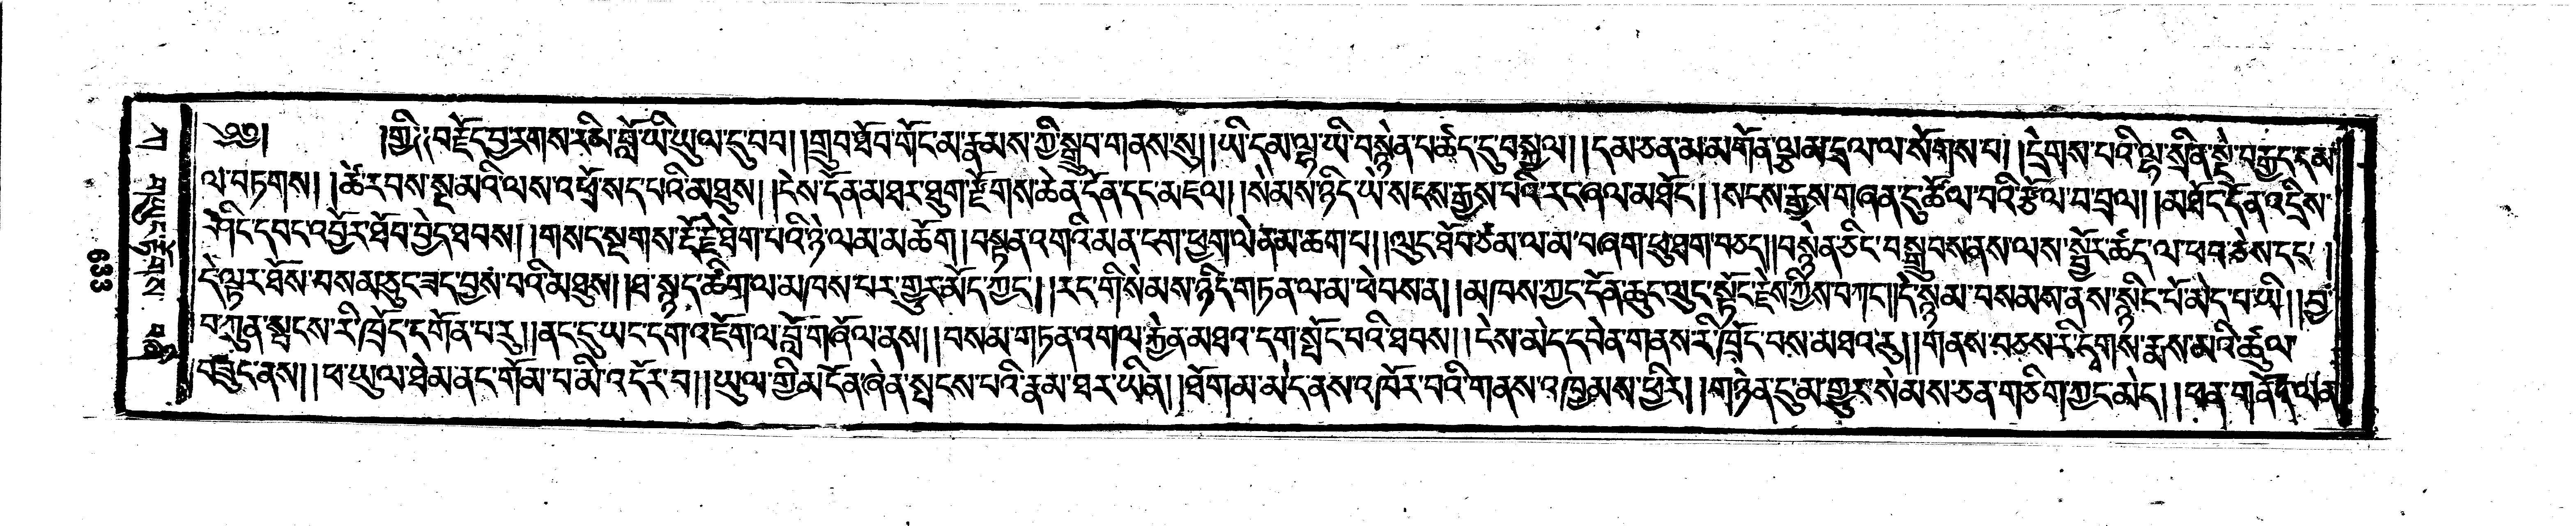༄༅། །གྱི༑ ༑བརྗོད་བྱ་རགས་རིམ་བློ་ཡི་ཡུལ་དུ་བབ། །གྲུབ་ཐོབ་གོང་མ་རྣམས་ཀྱི་སྒྲུབ་གནས་སུ། །ཡི་དམ་ལྷ་ཡི་བསྙེན་པ་ཚད་དུ་བསྐྱལ། །དམ་ཅན་མ་མགོན་ལྕམ་དྲལ་ལ་སོགས་པ། །དྲེགས་པའི་ལྷ་སྲིན་སྡེ་བརྒྱད་དམ་
ལ་བཏགས། །ཚེ་རབས་སྔ་མའི་ལས་འཕྲོ་སད་པའི་མཐུས། །ངེས་དོན་མཐར་ཐུག་རྫོགས་ཆེན་དོན་དང་མཇལ། །སེམས་ཉིད་ཡེ་སངས་རྒྱས་པའི་རང་ཞལ་མཐོང་། །སངས་རྒྱས་གཞན་དུ་ཚོལ་བའི་རྩོལ་བ་བྲལ། །མཐོང་དོན་འདྲིས་
ཤིང་དབང་འབྱོར་ཐོབ་བྱེད་ཐབས། །གསང་སྔགས་རྡོ་རྗེ་ཐེག་པའི་ཉེ་ལམ་མཆོག །བསྟན་འགའི་མན་ངག་ཕྱག་ལེན་མ་ཆག་པ། །ལུང་ཐོབ་ཙམ་ལ་མ་བཞག་ཕུ་ཐག་བཅད། །བསྙེན་ཅིང་བསྒྲུབས་ནས་ལས་སྦྱོར་ཚད་ལ་ཕབ་ཅེས་དང་། །
དེ་ལྟར་ཐོས་བསམ་ཅུང་ཟད་བྱས་པའི་མཐུས། །ཐ་སྙད་ཚིག་ལ་མཁས་པར་གྱུར་མོད་ཀྱང་། །རང་གི་སེམས་ཉིད་གཏན་ལ་མ་ཕེབས་ན། །མཁས་ཀྱང་དོན་ཆུང་ལུང་སྟོང་རྗེས་ཀྱིས་བཀང་། །དེ་སྙམ་བསམས་ནས་སྙིང་པོ་མེད་པ་ཡི། །བྱ་
བ་ཀུན་སྤངས་རི་ཁྲོད་དགོན་པ་རུ། །ནང་དུ་ཡང་དག་འཇོག་ལ་བློ་གཞོལ་ནས། །བསམ་གཏན་འགལ་རྐྱེན་མཐའ་དག་སྤོང་བའི་ཐབས། །ངེས་མེད་དབེན་གནས་རི་ཁྲོད་བས་མཐའ་རུ། །གནས་བཅས་རི་དྭགས་རྨས་མའི་ཚུལ་
བཟུང་ནས། །ཕ་ཡུལ་ཐེམ་ནང་གོམ་པ་མི་འདོར་བ། །ཡུལ་གྱི་མངོན་ཞེན་སྤངས་པའི་རྣམ་ཐར་ཡིན། །ཐོག་མ་མེད་ནས་འཁོར་བའི་གནས་འཁྱམས་ཕྱིར། །གཉེན་དུ་མ་གྱུར་སེམས་ཅན་གཅིག་ཀྱང་མེད། །ཕན་གནོད་ལན་